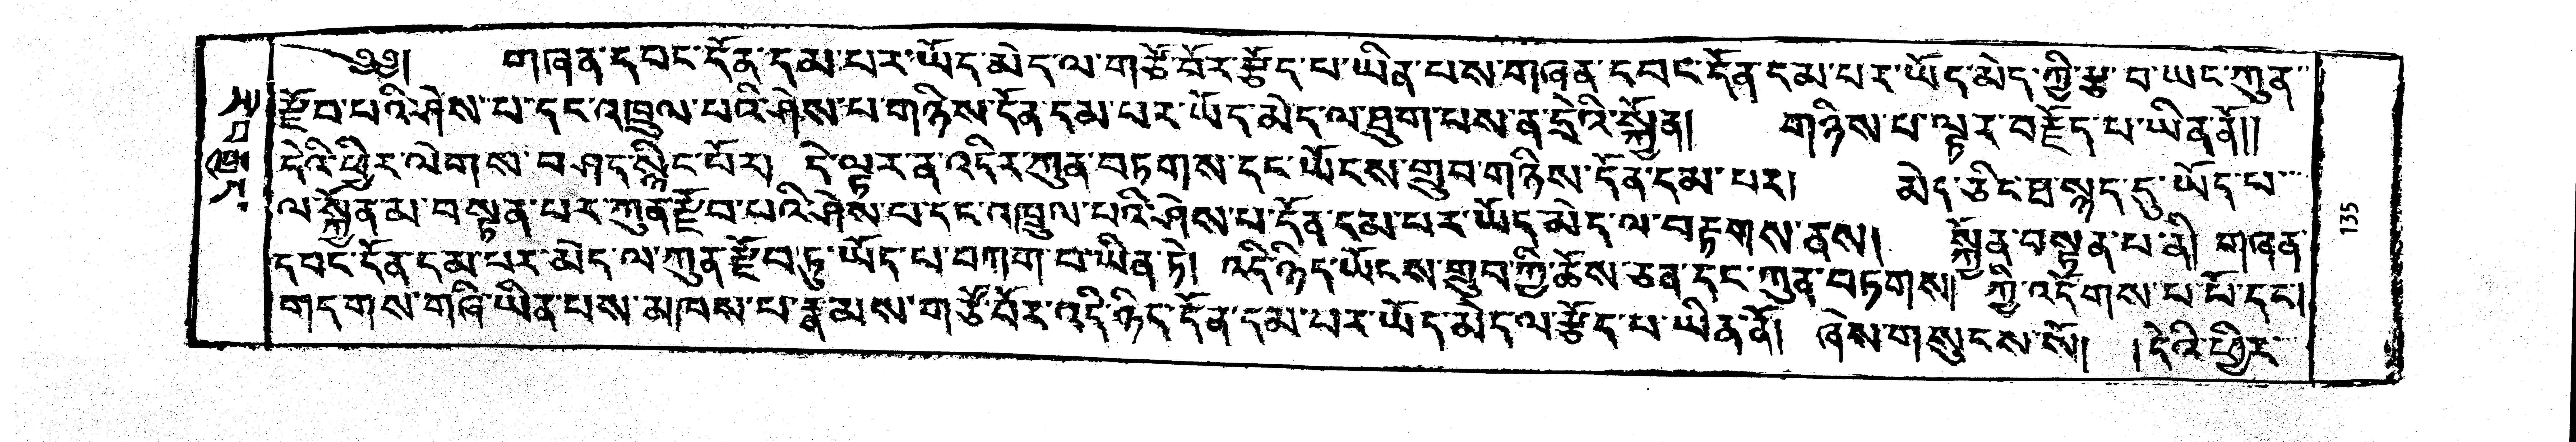༄༅། །གཞན་དབང་དོན་དམ་པར་ཡོད་མེད་ལ་གཙོ་བོར་རྩོད་པ་ཡིན་པས་གཞན་དབང་དོན་དམ་པར་ཡོད་མེད་ཀྱི་རྩ་བ་ཡང་ཀུན་
རྫོབ་པའི་ཤེས་པ་དང་འཁྲུལ་པའི་ཤེས་པ་གཉིས་དོན་དམ་པར་ཡོད་མེད་ལ་ཐུག་པས་ན་དྲེའི་སྐྱོན། གཉིས་པ་ལྟར་བརྗོད་པ་ཡིན་ནོ།།
དེའི་ཕྱིར་ལེགས་བཤད་སྙིང་པོར། དེ་ལྟར་ན་འདིར་ཀུན་བཏགས་དང་ཡོངས་གྲུབ་གཉིས་དོན་དམ་པར། མེད་ཅིང་ཐ་སྙད་དུ་ཡོད་པ་
ལ་སྐྱོན་མ་བསྟན་པར་ཀུན་རྫོབ་པའི་ཤེས་པ་དང་འཁྲུལ་པའི་ཤེས་པ་དོན་དམ་པར་ཡོད་མེད་ལ་བརྟགས་ནས། སྐྱོན་བསྟན་པ་ནི། གཞན་
དབང་དོན་དམ་པར་མེད་ལ་ཀུན་རྫོབ་ཏུ་ཡོད་པ་བཀག་པ་ཡིན་ཏེ། འདི་ཉིད་ཡོངས་གྲུབ་ཀྱི་ཆོས་ཅན་དང་ཀུན་བཏགས། ཀྱི་འདོགས་པ་པོ་དང་།
གདགས་གཞི་ཡིན་པས་མཁས་པ་རྣམས་གཙོ་བོར་འདི་ཉིད་དོན་དམ་པར་ཡོད་མེད་ལ་རྩོད་པ་ཡིན་ནོ། ཞེས་གསུངས་སོ། །དེའི་ཕྱིར་